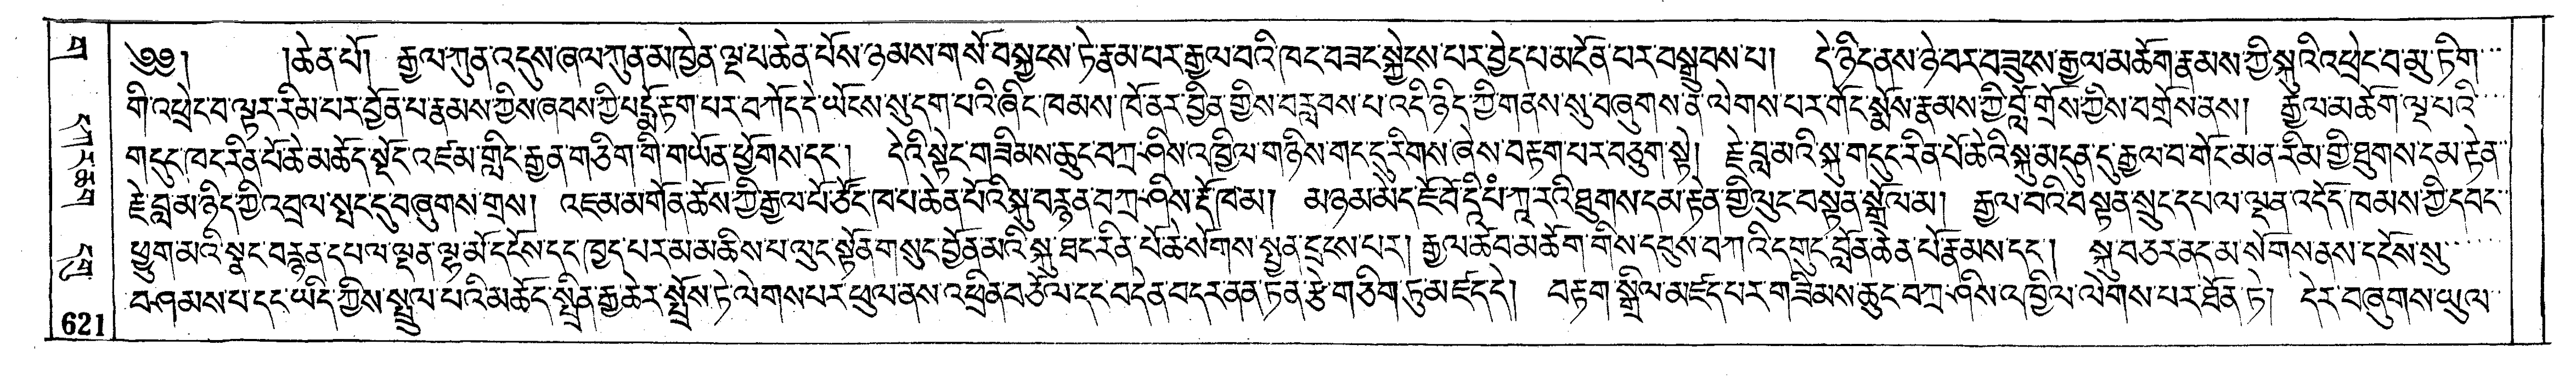༄༅། །ཆེན་པོ། རྒྱལ་ཀུན་འདུས་ཞལ་ཀུན་མཁྱེན་ལྔ་པ་ཆེན་པོས་ཉམས་གསོ་བསྐྱངས་ཏེ་རྣམ་པར་རྒྱལ་བའི་ཁང་བཟང་སྐྱེངས་པར་བྱེད་པ་མངོན་པར་བསྒྲུབས་པ། དེ་ཉིད་ནས་ཉེ་བར་བཟུངས་རྒྱལ་མཆོག་རྣམས་ཀྱི་སྐུའི་འཕྲེང་བ་མུ་ཏིག་
གི་འཕྲེང་བ་ལྟར་རིམ་པར་བྱོན་པ་རྣམས་ཀྱིས་ཞབས་ཀྱི་པདམོ་རྟག་པར་བཀོད་དེ་ཡོངས་སུ་དག་པའི་ཞིང་ཁམས་ཁོ་ནར་བྱིན་གྱིས་བརླབས་པ་འདི་ཉིད་ཀྱི་གནས་སུ་བཞུགས་ན་ལེགས་པར་གོང་སྨོས་རྣམས་ཀྱི་བློ་གྲོས་ཀྱིས་བགྲོས་ནས། རྒྱལ་མཆོག་ལྔ་པའི་
གདུང་ཁང་རིན་པོ་ཆེ་མཆོད་སྡོང་འཛམ་གླིང་རྒྱན་གཅིག་གི་གཡོན་ཕྱོགས་དང་། དེའི་སྟེང་གཟིམས་ཆུང་བཀྲ་ཤིས་འཁྱིལ་གཉིས་གང་དུ་རིགས་ཞེས་བརྟག་པར་བཅུག་སྟེ། རྗེ་བླ་མའི་སྐུ་གདུང་རིན་པོ་ཆེའི་སྐུ་མདུན་དུ་རྒྱལ་བ་གོང་མ་ན་རིམ་གྱི་ཐུགས་དམ་རྟེན་
རྗེ་བླ་མ་ཉིད་ཀྱི་འབྲལ་སྤང་དུ་བཞུགས་གྲས། འཇམ་མགོན་ཆོས་ཀྱི་རྒྱལ་པོ་ཙོང་ཁ་པ་ཆེན་པོའི་སྐུ་བརྙན་བཀྲ་ཤིས་རྔོ་ཁ་མ། མཉམ་མེད་ཇོ་བོ་དཱི་པཾ་ཀཱ་རའི་ཐུགས་དམ་རྟེན་གྱི་ལུང་བསྟན་སྒྲོལ་མ། རྒྱལ་བའི་བསྟན་སྲུང་དཔལ་ལྡན་འདོད་ཁམས་ཀྱི་དབང་
ཕྱུག་མའི་སྣང་བརྙན་དཔལ་ལྡན་ལྷ་མོ་དངོས་དང་ཁྱད་པར་མ་མཆིས་པ་ལུང་སྟོན་གསུང་བྱོན་མའི་སྐུ་ཐང་རིན་པོ་ཆེ་སོགས་སྤྱན་དྲངས་པར། རྒྱལ་ཚབ་མཆོག་གིས་དབུས་བཀའི་དགུང་བློན་ཆེན་པོ་རྣམས་དང་། སྐུ་བཅར་ནང་མ་སོགས་ནས་དངོས་སུ་
བཤམས་པ་དང་ཡིད་ཀྱིས་སྤྲུལ་པའི་མཆོད་སྤྲིན་རྒྱ་ཆེར་སྤྲོས་ཏེ་ལེགས་པར་ཕུལ་ནས་འཕྲིན་བཅོལ་དང་བདེན་བདར་ནན་ཏན་རྩེ་གཅིག་ཏུ་མཛད་དེ། བརྟག་སྒྲིལ་མཛད་པར་གཟིམས་ཆུང་བཀྲ་ཤིས་འཁྱིལ་ལེགས་པར་ཐོན་ཏེ། དེར་བཞུགས་ཡུལ་